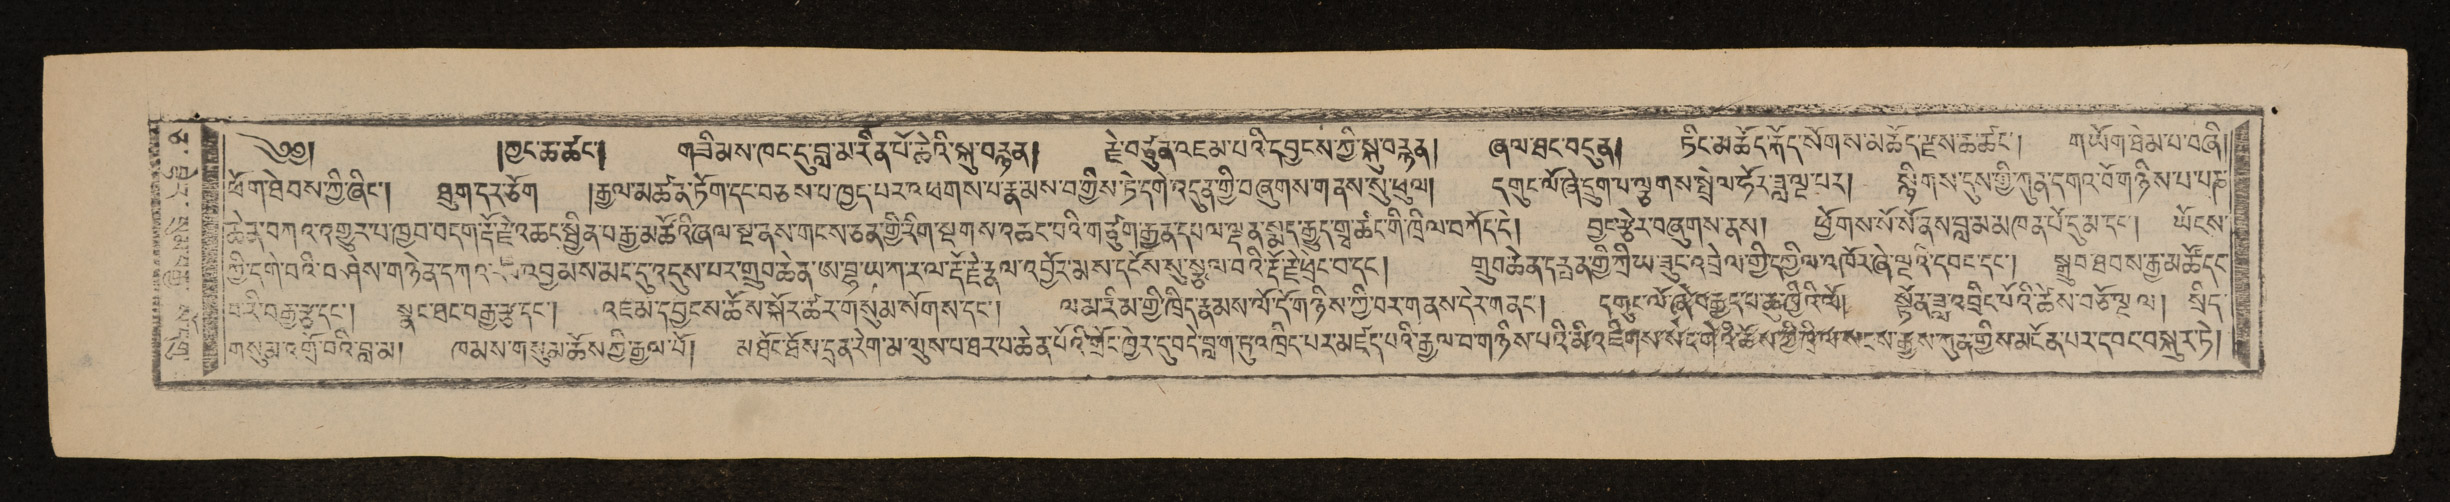༄༅། །ཀྱང་ཆ་ཚང་། གཟིམས་ཁང་དུ་བླ་མ་རིན་པོ་ཆེའི་སྐུ་བརྙན། རྗེ་བཙུན་འཇམ་པའི་དབྱངས་ཀྱི་སྐུ་བརྙན། ཞལ་ཐང་བདུན། ཏིང་མཆོད་རྐོད་སོགས་མཆོད་རྫས་ཆ་ཚང་། གཡོག་ཐེམ་པ་བཞི་
ཕོག་ཐེབས་ཀྱི་ཞིང་། ཐུག་དར་ཅོག །རྒྱལ་མཚན་ཏོག་དང་བཅས་པ་ཁྱད་པར་འཕགས་པ་རྣམས་བགྱིས་ཏེ་དགེ་འདུན་གྱི་བཞུགས་གནས་སུ་ཕུལ། དགུང་ལོ་ཞེ་དྲུག་པ་ལྕགས་སྤྲེལ་ཧོར་ཟླ་ལྔ་པར། སྙིགས་དུས་ཀྱི་ཀུན་དགའ་བོ་གཉིས་པ་པཎ་
ཆེན་བཀའ་འགྱུར་བ་ཁྱབ་བདག་རྡོ་རྗེ་འཆང་སྦྱིན་པ་རྒྱ་མཚོའི་ཞལ་སྔ་ནས་གངས་ཅན་གྱི་རིག་སྔགས་འཆང་བའི་གཙུག་རྒྱན་དཔལ་ལྡན་སྨད་རྒྱུད་གྲྭ་ཚང་གི་ཁྲི་ལ་བཀོད་དེ། བྱང་རྩེར་བཞུགས་ནས། ཕྱོགས་སོ་སོ་ནས་བླ་མ་མཁན་པོ་དུ་མ་དང་། ཡོངས་
ཀྱི་དགེ་བའི་བཤེས་གཉེན་དཀའ་རབ་འབྱམས་མང་དུ་འདུས་པར་གྲུབ་ཆེན་ཨ་བྷ་ཡ་ཀར་ལ་རྡོ་རྗེ་རྣལ་འབྱོར་མས་དངོས་སུ་སྩལ་བའི་རྡོ་རྗེ་ཕྲེང་བ་དང་། གྲུབ་ཆེན་ད་རྭན་གྱི་ཀྲི་ཡ་ཟུང་འབྲེལ་གྱི་དཀྱིལ་འཁོར་ཞེ་ལྔའི་དབང་དང་། སྒྲུབ་ཐབས་རྒྱ་མཚོ་དང་
བ་རི་བརྒྱ་རྩ་དང་། སྣང་ཐང་བརྒྱ་རྩ་དང་། འཇམ་དབྱངས་ཆོས་སྐོར་ཚར་གསུམ་སོགས་དང་། ལམ་རིམ་གྱི་ཁྲིད་རྣམས་ལོ་ངོ་གཉིས་ཀྱི་བར་གནས་དེར་གནང་། དགུང་ལོ་ཞེ་བརྒྱད་པ་ཆུ་ཁྱིའི་ལོ། སྟོན་ཟླ་འབྲིང་པོའི་ཚེས་བཅོ་ལྔ་ལ། སྲིད་
གསུམ་འགྲོ་བའི་བླ་མ། ཁམས་གསུམ་ཆོས་ཀྱི་རྒྱལ་པོ། མཐོང་ཐོས་དྲན་རེག་མ་ལུས་པ་ཐར་པ་ཆེན་པོའི་གྲོང་ཁྱེར་དུ་བདེ་བླག་ཏུ་འཁྲིད་པར་མཛད་པའི་རྒྱལ་བ་གཉིས་པའི་མི་འཇིགས་སེང་གེའི་ཆོས་ཀྱི་ཁྲི་ལ་སངས་རྒྱས་ཀུན་གྱིས་མངོན་པར་དབང་བསྐུར་ཏེ།